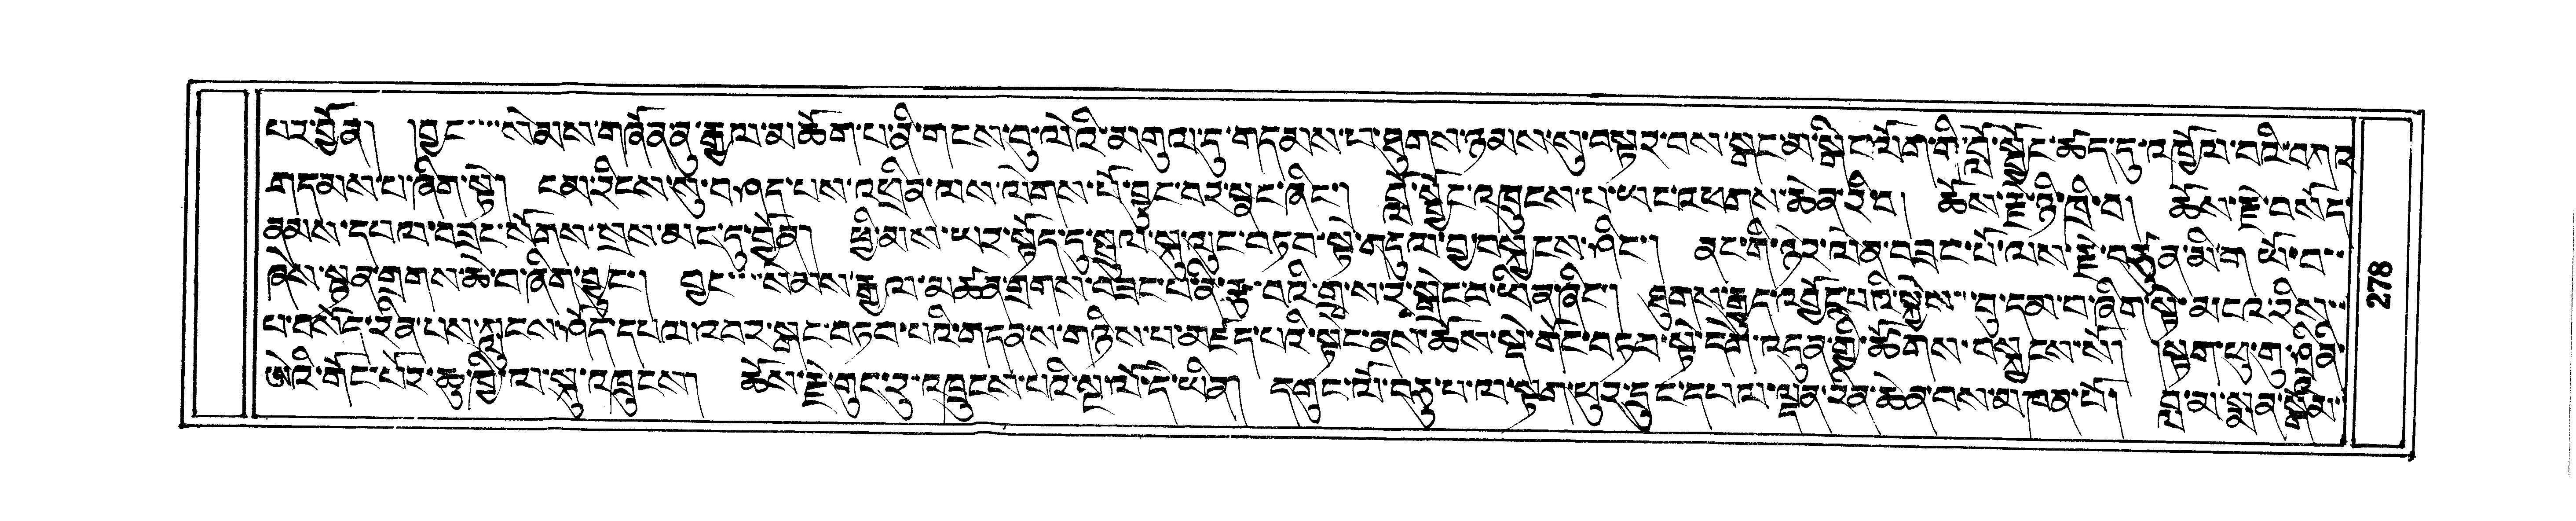པར་བྱོན། །བྱང་སེམས་གཞོན་ནུ་རྒྱལ་མཆོག་པ་ནི་གངས་བུ་ལེའི་མགུལ་དུ་གདམས་པ་ཐུགས་ཉམས་སུ་བསྟར་བས་སྒང་མ་སྒིང་ལོག་གི་བློ་སྦྱོང་ཚད་དུ་འཁྱོལ་པའི་བཀའ་
གདམས་པ་ཞིག་སྟེ། ངམ་རིངས་སུ་བཤད་པས་འཕྲིན་ལ་ལེགས་པོ་བྱུང་བར་སྣང་ཞིང་། བློ་སྦྱོང་འཁྲུངས་པ་ཡང་འཕགས་ཆེན་རི་བ། ཆོས་རྗེ་ཉི་ཁྲི་བ། ཆོས་རྗེ་བསོད་
ནམས་དཔལ་བཟང་སོགས་སྲས་མང་དུ་བྱོན། ཕྱི་མས་ཡར་སྟོད་དུ་སྤྲུལ་སྐུ་ལུང་བཏབ་སྟེ་གདུལ་བྱ་བསྐྱངས་ཤིང་། ནང་གི་ཉེར་ལེན་བཟང་པོ་ལས་རྗེ་བཙུན་མི་གཡོ་བ་
ཞེས་སྙན་གྲགས་ཆེ་བ་ཞིག་བྱུང་། བྱང་སེམས་རྒྱལ་མཚན་གྲགས་བཟང་པོ་ནི་རྩ་བའི་གྲྭ་ས་རྭ་སྒྲེང་བ་ཡིན་ཞིང་། ཐུགས་རྒྱུད་འབྱོང་པའི་སྐྱེས་བུ་དམ་པ་ཞིག་སྟེ་མངའ་རིས་
པ་བསོད་རིན་པས་ཀླུངས་ཤོད་དཔལ་འབར་སྒང་བཏབ་པའི་གདན་ས་གཉིས་པ་མཛད་པའི་སྟེང་ནས་ཆོས་སྡེ་གོང་བཏབ་སྟེ་དགེ་འདུན་གྱི་ཚོགས་བསྐྱངས་སོ། །སྟག་ཕུ་གུ་ཤྲཱི་ནི་
ཨེའི་གོང་པོར་ཆུ་ཁྱི་ལ་སྐུ་འཁྲུངས། ཆོས་རྗེ་གུང་རུ་འཁྲུངས་པའི་ལྔ་ལོ་དེ་ཡིན། དགུང་ལོ་བཅུ་པ་ལ་སྟག་ཕུར་དྲུང་དཔལ་ལྡན་རིན་ཆེན་བས་མཁན་པོ། བླ་མ་སྨན་སྒོམ་